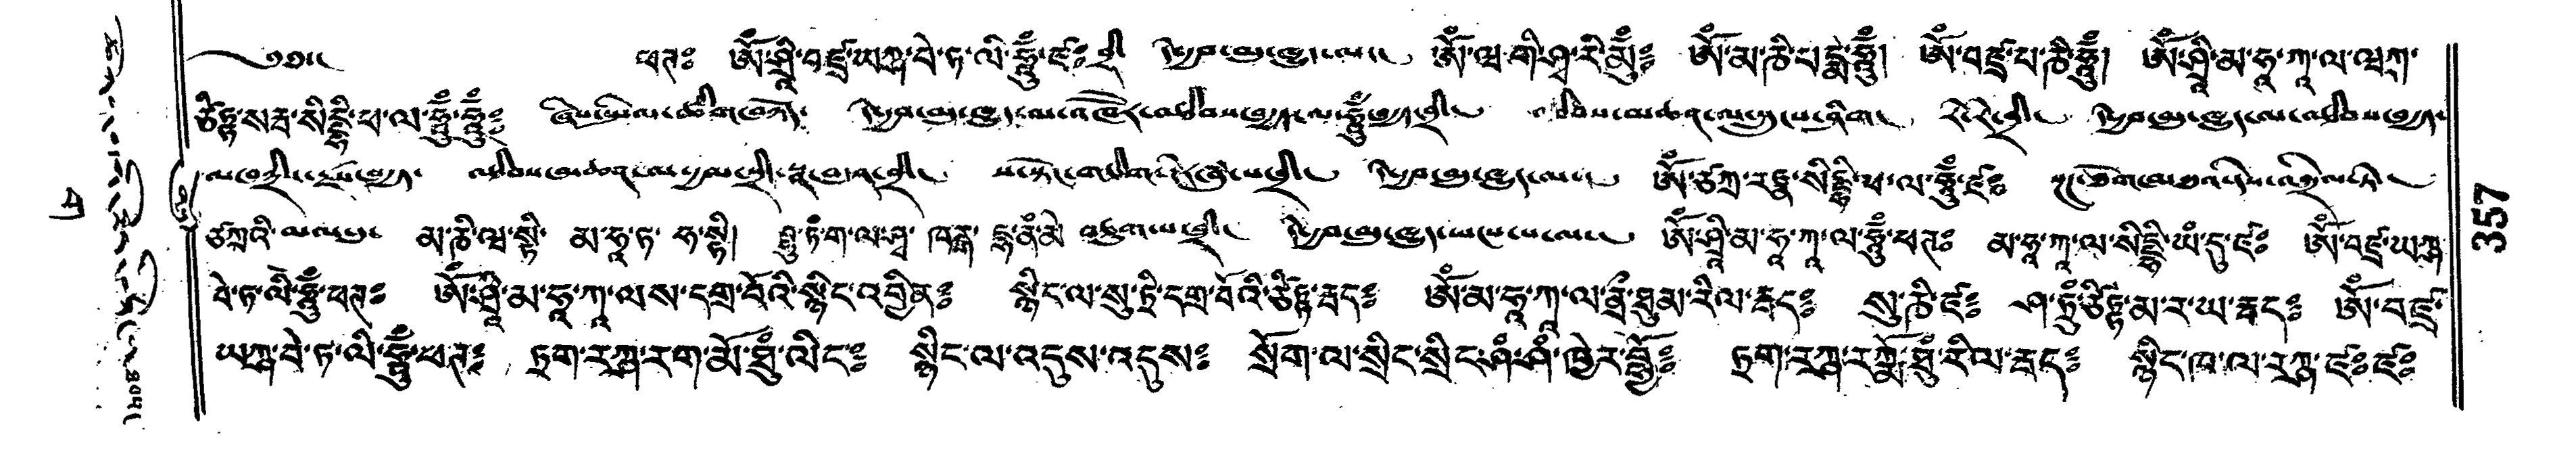ཕཊཿ ཨོཾ་ཤྲཱི་བཛྲ་ཡཀྵ་བེ་ཏ་ལི་ཧཱུྃ་ཛཿ བྲི། དེ་རྒྱབ་མུ་ཁྱུད་ལ། ཨོཾ་ཝ་གི་ཤྭ་རི་མུྃཿ ཨོཾ་མ་ཎི་པདྨེ་ཧཱུྃཿ ཨོཾ་བཛྲ་པ་ཎི་ཧཱུྃཿ ཨོཾ་ཤྲཱི་མ་ཧཱ་ཀཱ་ལ་ཝཱ་ཀ་
ཙིཏྟ་སརྦ་སིདྡྷི་ཕ་ལ་ཧཱུྃ་ཧཱུྃཿ ཞེས་སྤེལ་ཚིག་དགོད། དེ་རྒྱབ་མུ་ཁྱུད་ལ་འཁོར་ལོ་རྩིབས་བརྒྱད་ལ་ཧཱུྃ་བརྒྱད་བྲི། རྩིབས་མཆན་ལ་སྲུངས་ཤིག་རེ་རེ་བྲི། དེ་རྒྱབ་མུ་ཁྱུད་ལ་རྩིབས་བརྒྱད་
ལ་བཀྲ་ཤིས་རྫས་བརྒྱད། རྩིབས་མཆན་ལ་རྒྱལ་སྲིད་སྣ་བདུན་བྲི། ས་སྟོང་གཅིག་དེར་བུམ་པ་བྲི། དེ་རྒྱབ་མུ་ཁྱུད་ལ། ཨོཾ་ཙཀྲ་རཏྣ་སིདྡྷི་ཕ་ལ་ཧཱུྃ་ཛཿ སྔགས་ཐོག་མཐའ་དེས་འགྲེས་ཏེ་
ཙཀྲའི་མལ་དུ། མ་ཎི་ཝ་སྟིཿ མ་ཧཱ་ཏ་ཧ་སྟིཿ བྷུ་ཏཾ་ག་ལ་ཤྭཿ ཁརྒ་ནཾ་མེཿ བཅུག་པ་བྲི། དེ་རྒྱབ་མུ་ཁྱུད་ཡངས་པ་ལ། ཨོཾ་ཤྲཱི་མ་ཧཱ་ཀཱ་ལ་ཧཱུྂ་ཛཿ མ་ཧཱ་ཀཱ་ལ་སིདྡྷི་ཡཾ་དུ་ཛཿ ཨོཾ་བཛྲ་ཡཀྵ་
བེ་ཏ་ལི་ཧཱུྂ་ཕཊཿ ཨོཾ་ཤྲཱི་མ་ཧཱ་ཀཱ་ལས་དགྲ་བོའི་སྙིང་འབྱིནཿསྙིང་ལ་སུ་ཏྲི་དགྲ་བོའི་ཙིཏྟ་རྦདཿ ཨོཾ་མ་ཧཱ་ཀཱ་ལ་ནྲྀ་ཐམ་རིལ་རྦདཿ སུ་ཎི་ཛཿ ཤ་ཏྲུཾ་ཙིཏྟ་མ་ར་ཡ་རྦདཿ ཨོཾ་བཛྲ་
ཡཀྵ་བེ་ཏ་ལི་ཧཱུྂ་ཕཊཿ ཏྲག་རཀྵ་རག་མོ་ཐུཾ་ལིངཿ སྙིང་ལ་འདུས་འདུསཿ སྲོག་ལ་སྲིང་སྲིང་ཤཾ་ཤཾ་ཁྱེར་བྷྱོཿ ཏྲག་རཀྵ་རཀྨོ་ཐུཾ་རིལ་རྦདཿ སྙིང་ཁ་ལ་རཀྵ་ཛཿཛཿ